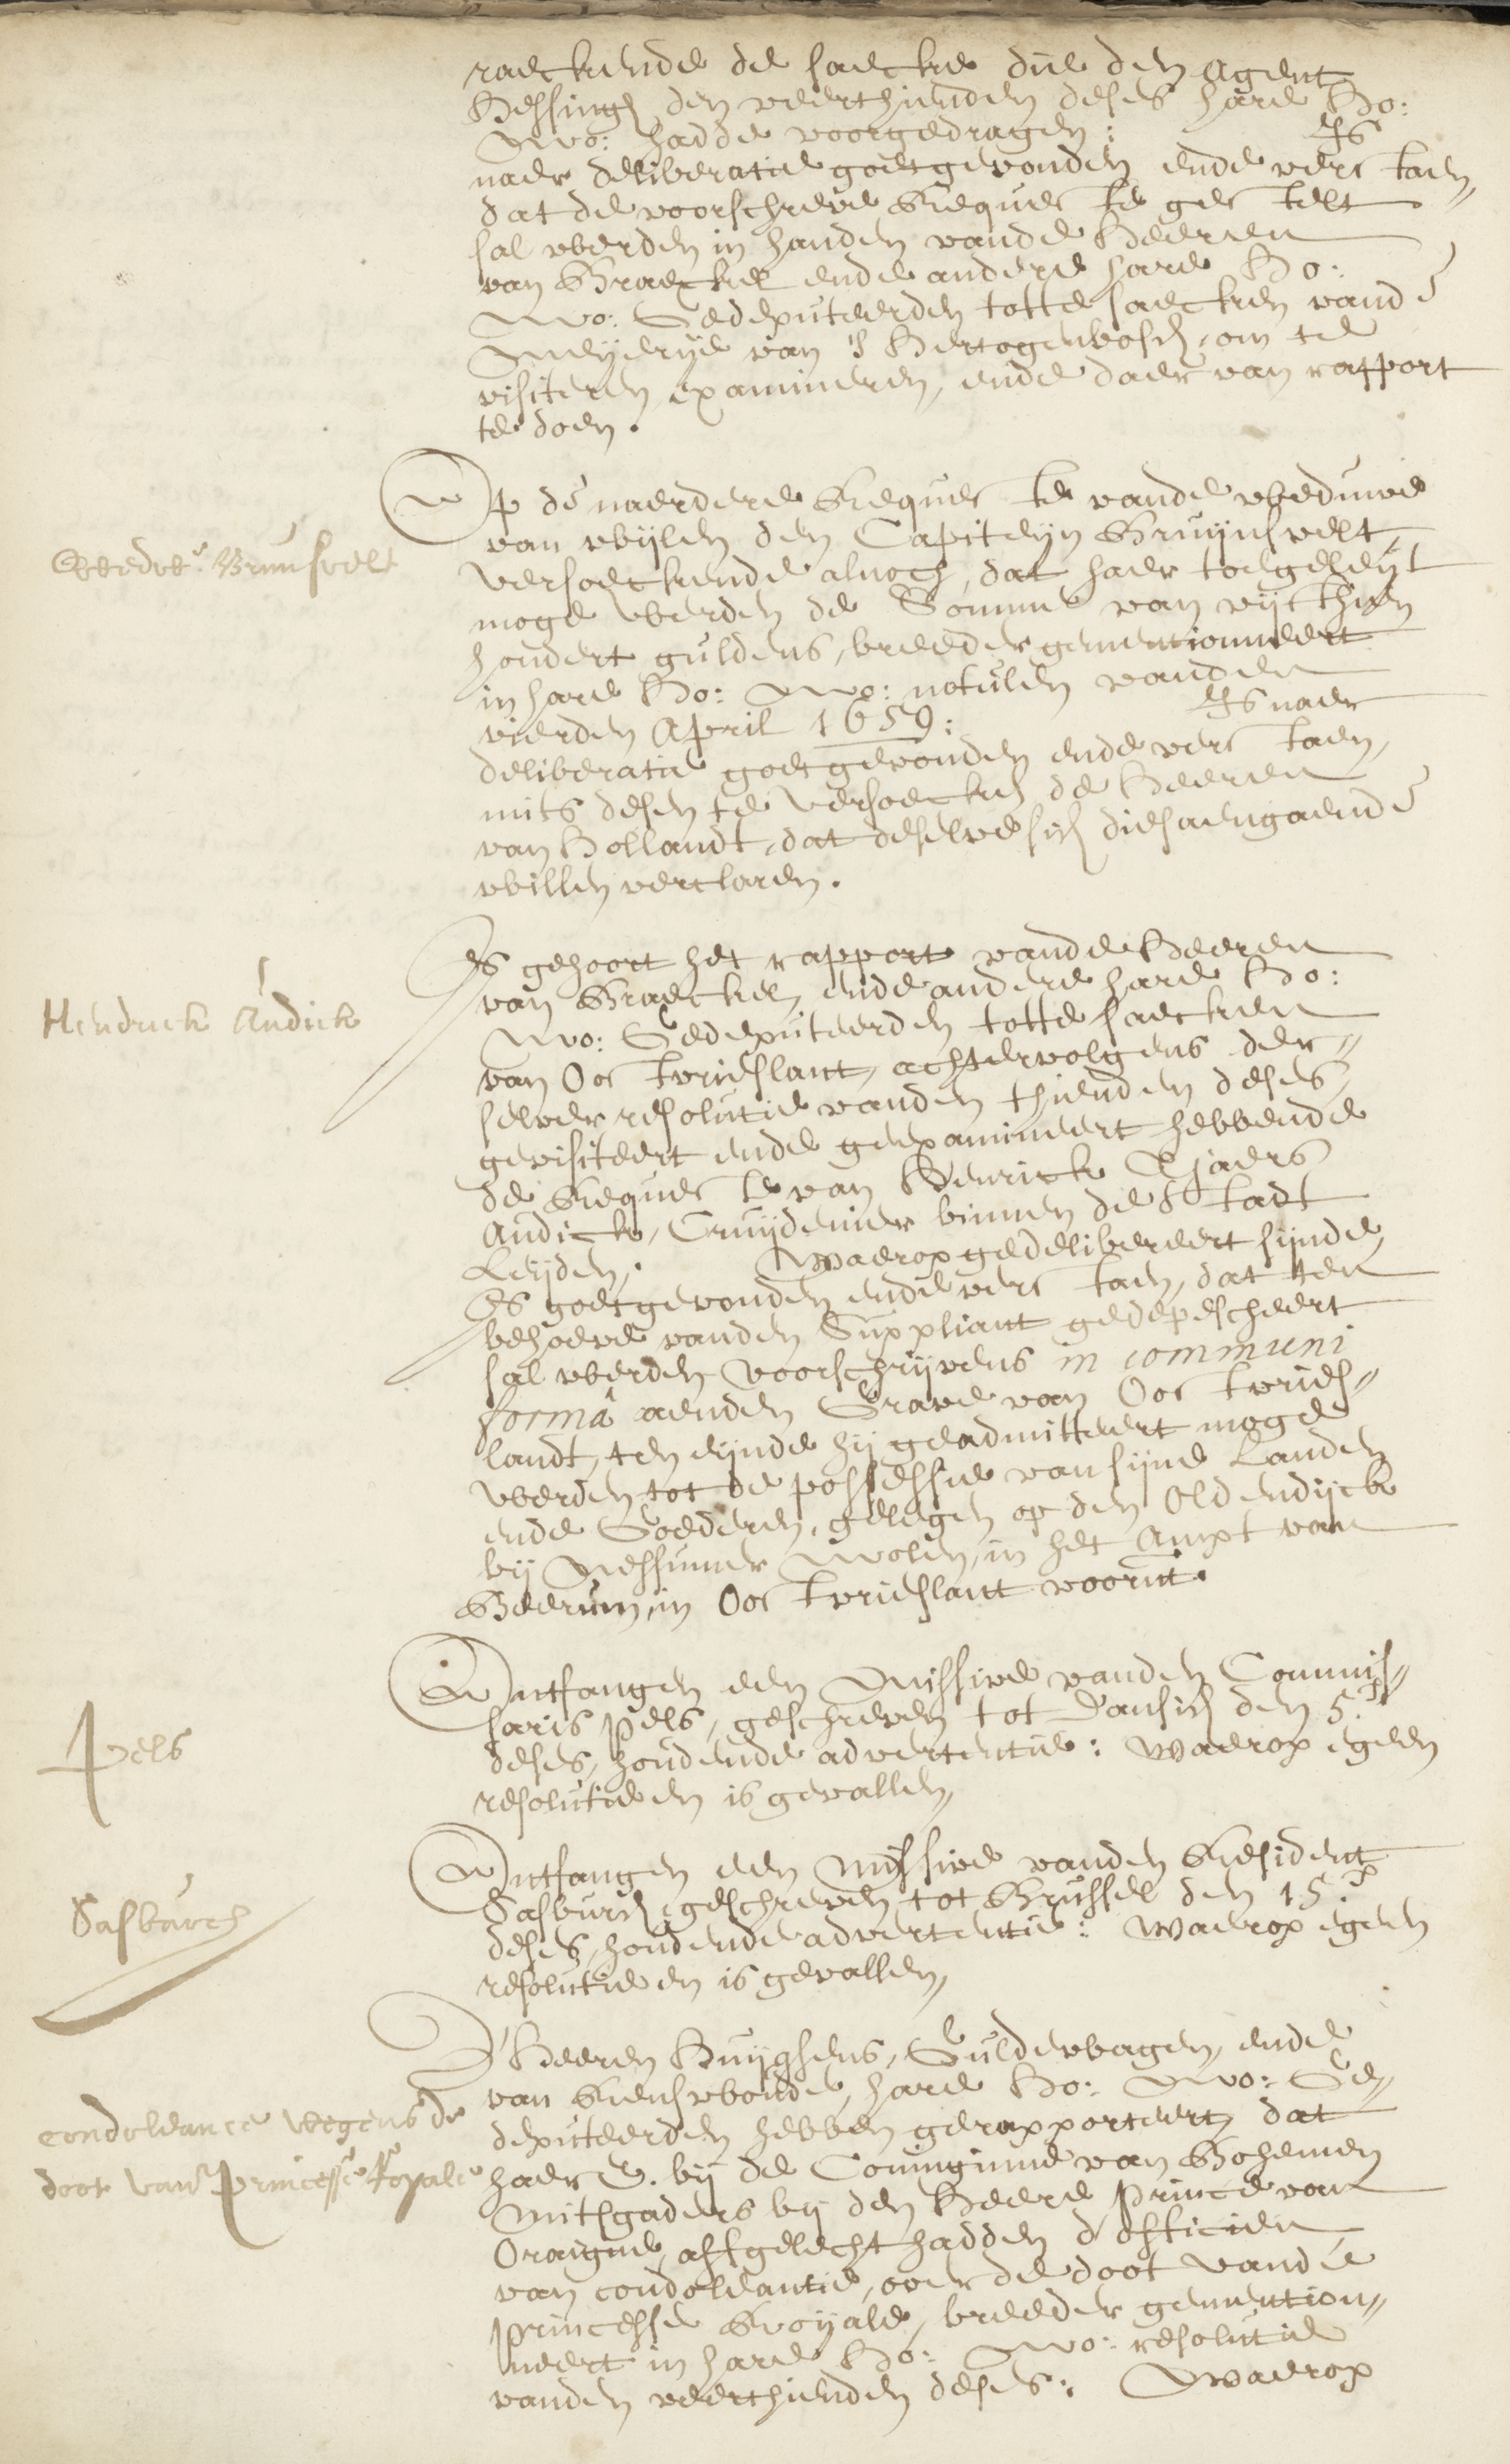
raeckende de saecke die den Agent
Hessingh den veerthienden deses hare Ho:
Mo: hadde voorgedragen: Is
naer deliberatie goetgevonden ende verstaen,
dat de voorschreve Requeste gestelt
sal werden in handen vande Heeren
van Braeckel ende andere hare Ho:
Mo: Gedeputeerden totte saecken vande
Meijerije van ‛s Hertogenbosch, om te
visiteren, examineren, ende daer van rapport
te doen.
weduwe. Bruinsvelt
Op de naerdere Requeste vande weduwe
van wijlen den Capiteijn Bruijnsvelt
versoeckende alnoch, dat haer toegeleijt
moge werden de somme van vijfthien
hondert guldens, breeder gementionneert
in hare Ho:Mo: notulen vanden
vierden april 1659. Is naer
deliberatie goetgevonden ende verstaen,
mits desen te versoecken de Heeren
van Hollandt, dat deselve sich diesaengaende
willen verclaren.
Hendrick Audick
Is gehoort het rapport vande Heeren
van Braeckel, ende andere hare Ho:
Mo: Gedeputeerden totte saecken
van Oostvrieslant, achtervolgens der„
selver resolutie vanden thienden deses
gevisiteert ende geexamineert hebbende
de Requeste van Henrick Tjaers
Audick, Cruijdenier binnen de Stadt
Leijden; Waerop gedelibereert sijnde,
Is goetgevonden ende verstaen, dat ten
behoeve vanden Suppliant gedepescheert
sal werden voorschrijvens in communi
forma aenden Grave van Oostvries„
landt, ten eijnde hij geadmitteert moge
werden tot de possessie van sijne Landen
ende Goederen, gelegen op den Oldendijck
bij Nessumer Molen, in het Ampt van
Beerum, in Oostvrieslant voornt.
Pels
Ontfangen een Missive vanden Commis„
saris Pels, geschreven tot Dansich den 5en.
deses, houdende advertentie: Waerop egeen
resolutie en is gevallen.
Sasburch
Ontfangen een missive vanden Resident
Sasburch, geschreven tot Brussel den 15en.
deses, houdende advertentie: Waerop egeen
resolutie en is gevallen.
condoleance wegens de
doot van Princesse Royale
D'Heeren Huijghens, Guldewagen, ende
van Renswoude hare Ho:Mo: Ge,,
deputeerden hebben gerapporteert, dat
haer E. bij de Coninginne van Bohemen
mitsgaders bij den Heere prince van
Oraigne affgelecht hadden d'officien
van condoleantie, over de doot vande
princesse Roijale, breeder gemention„
neert in hare Ho:Mo: resolutie
vanden veerthienden deses: Waerop
